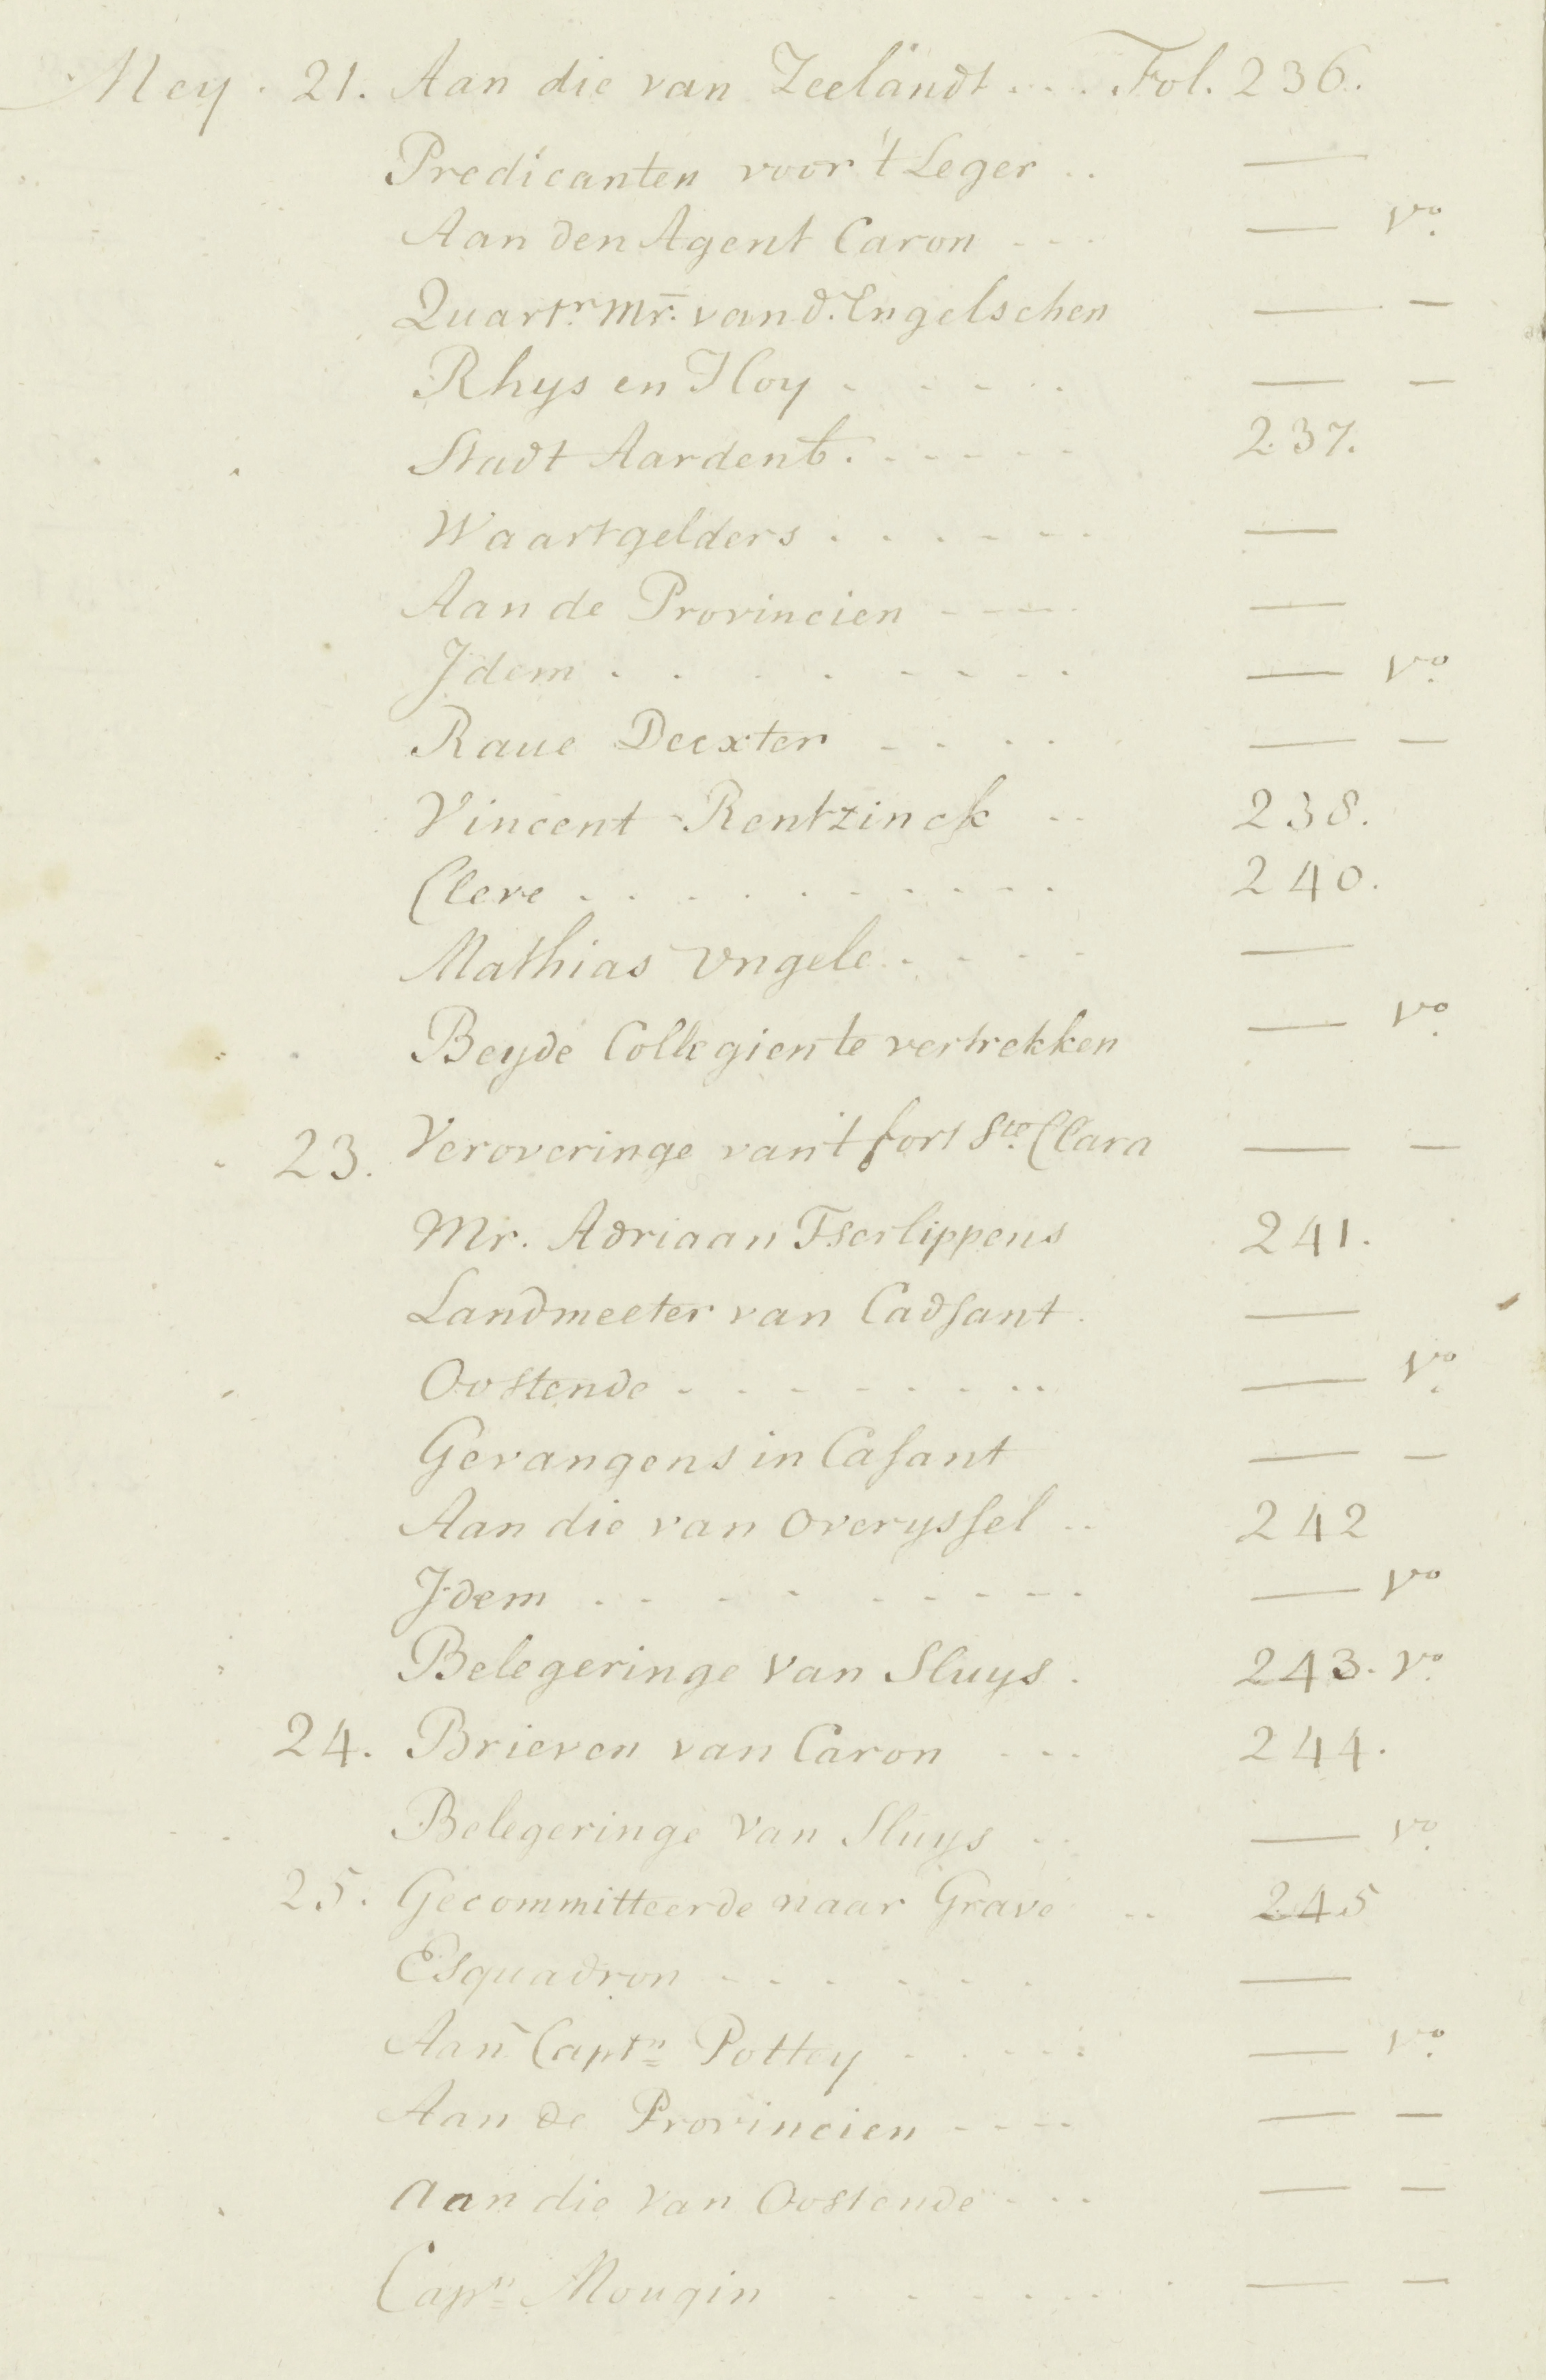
Mey. 21. Aan die van Zeelandt.... Fol. 236.
Predicanten voor ‛t Leger.. —
Aan den Agent Caron ...— Vo.
Quartr.Mr. van d. Engelschen — -
Rhyes en Hoy ....— -
Stadt Aardenb...... 237.
Waartgelders...... —
Aan de Provincien..... —
Idem ........— Vo.
Raue Decxter.....— -
Vincent Rentzinck.. 238.
Cleve..........240.
Mathias ungele.... —
Beyde Collegien te vertrekken — Vo.
23. Veroveringe van‛t fort Ste Clara — -
Mr. Adriaan Tserlippens 241.
Landmeeter van Cadsant. —
Oostende........ — Vo.
Gevangens in Casant. —
Aan die van Overyssel.. 242.
Idem......... — Vo.
Belegeringe van Sluys. 243.Vo.
24. Brieven van Caron... 244.
Belegeringe van Sluys .. — Vo.
25. Gecommitteerde naar Grave.. 245
Esquadron...... —
Aan Captn Pottey.....— Vo.
Aan de Provincien....— -
Aan die van Oostende...— -
Capn Mougin........— -
